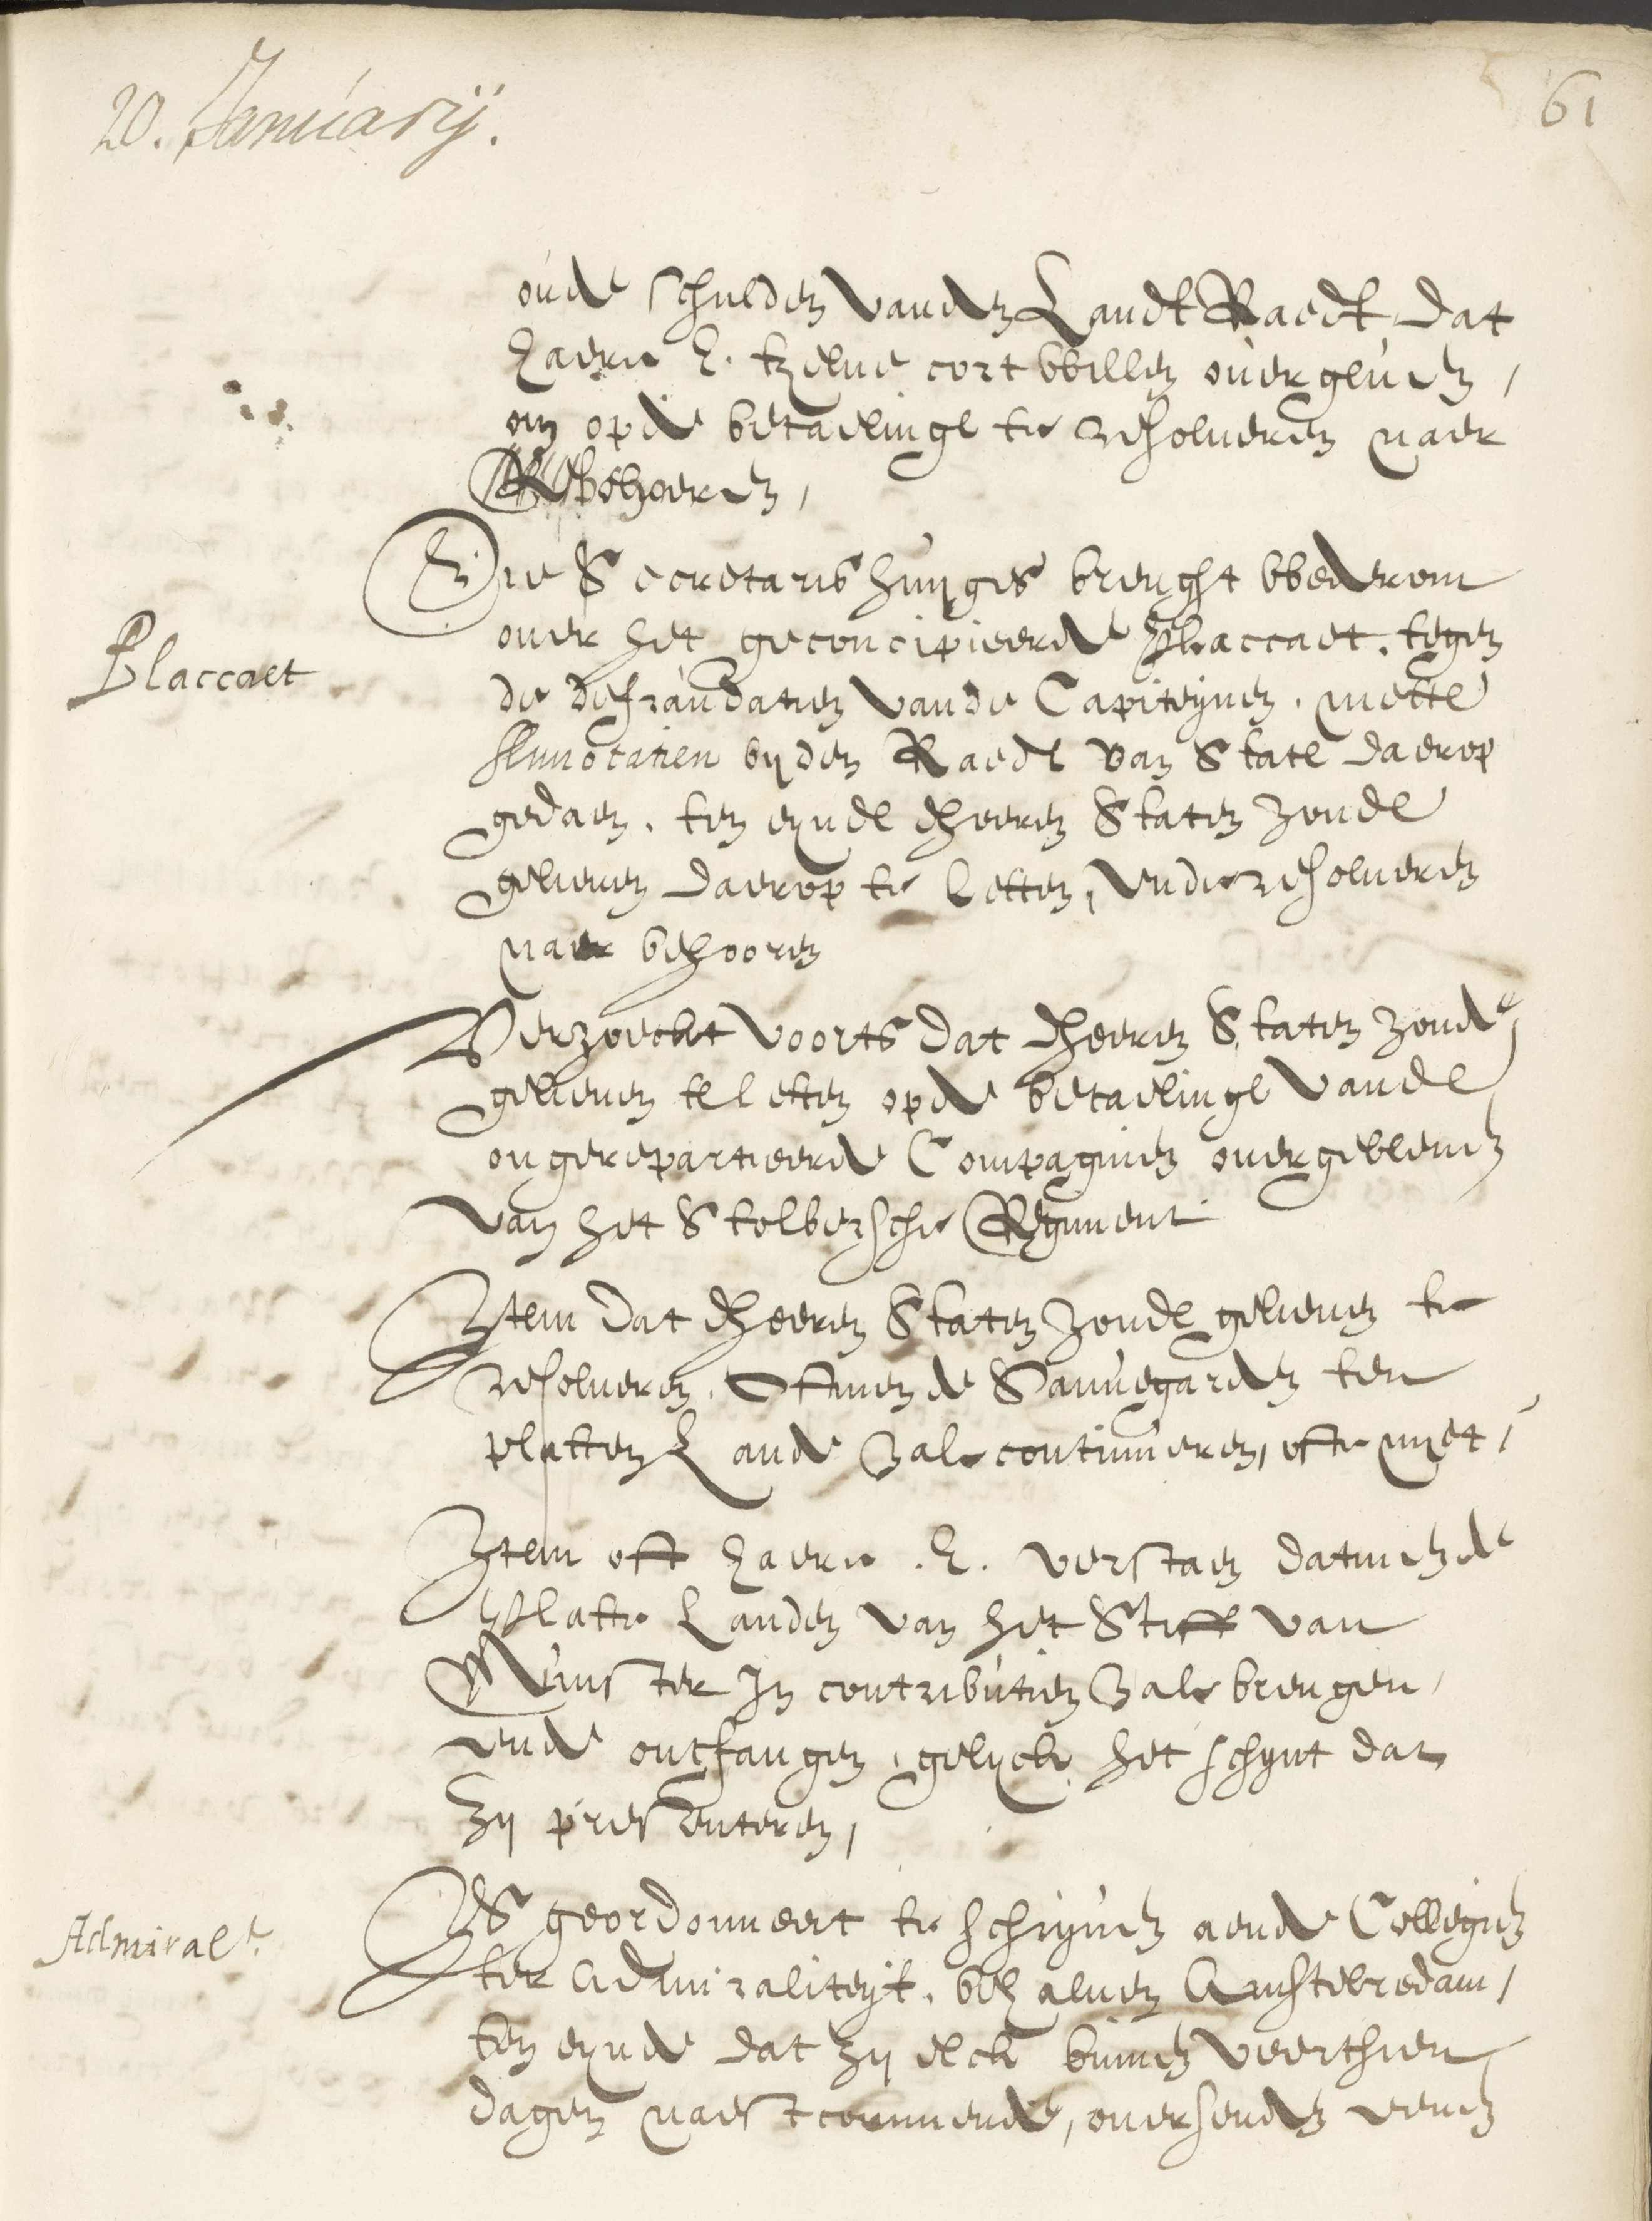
61
20. Januarij.
oude schulden vanden Landt Raedt, dat
haere E. tzelue cort willen ouergeuen,
om op de betaelinge te resolueren naer
Rbehoeren.
Placcaet
Die Secretaris Huyges brenght wederom
ouer het geconcipieerde Placcaet. tegen
de defraudatien vande Capiteijnen, mette
Annotatien by den Raedt van State daerop
gedaen, ten eynde d'heeren Staten zoude
gelieuen daerop te letten, ende resolueren
naer behooren
Verzoeckt voorts dat dheeren Staten zoude
gelieuen te letten opde betaelinge vande
ongerepartieerde Compagnien ouergebleuen
van het Stolbersche Regiment
Item dat dheeren Staten zoude gelieuen te
resolueren, Oftmen de Sauuegarden ten
plattenlande zal continueren, ofte nyet.
Item oft haer E. verstaen datmen de
Platte Landen van het Stift van
Munster In contributien zal brengen,
ende ontfangen, gelyck het schynt dat
zy presenteren.
Admiralt.
Is geordonneert te schryuen aende Collegien
ter Admiraliteijt, behaluen Amstelredam,
ten eynde dat zy elck binnen veerthien
dagen naestcommende, ouersenden eenen
